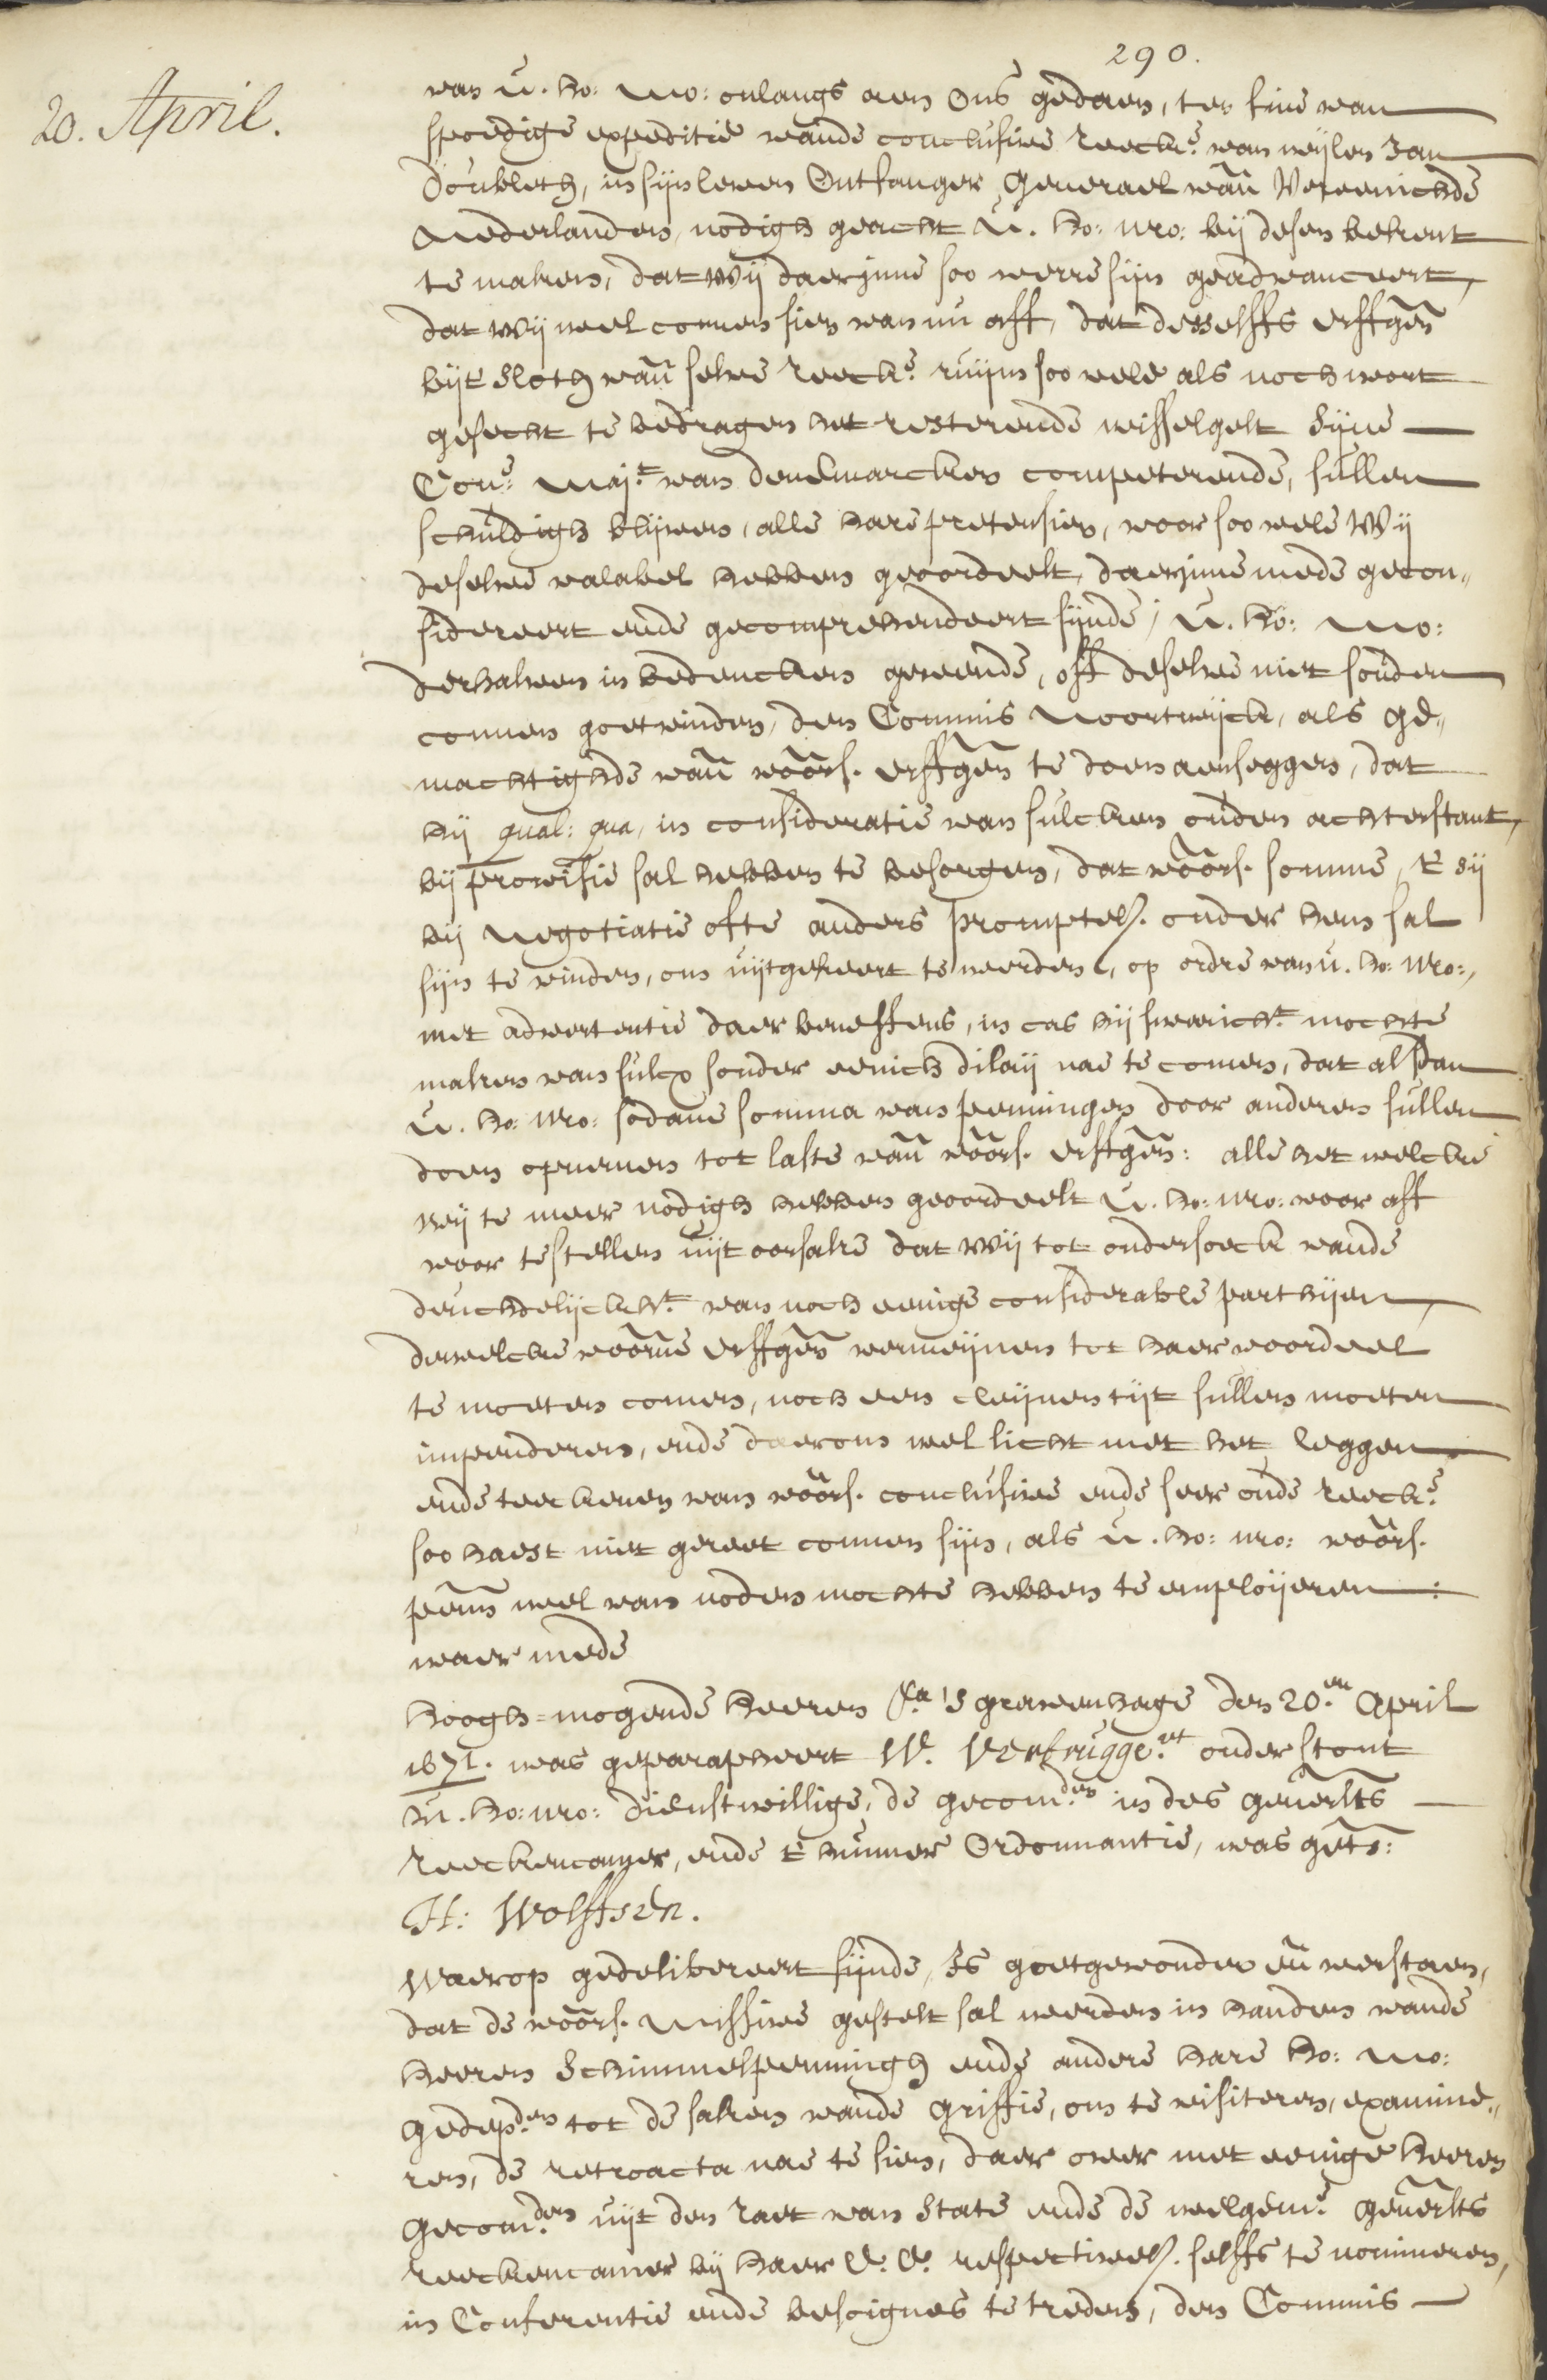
290
20 April.
van u. Ho:Mo: onlangs aen ons gedaen. ten fine van
spoedige expeditie vande conclusive reecke. van wijlen Jan
doubleth, in sijn leven Ontfanger Generael van Vereenichde
Nederlanden nodigh geacht U. Ho:Mo: bij desen bekent
te maken, dat wij daerinne soo verre sijn geadvanceert
dat wij wel connen sien van nu aff dat desselffs erffgen
bijt' sloth van selve reecke. ruijm soo vele als noch wort
gesecht te bedragen het resterende wisselgelt sijne
Cone. Majt. van denemarcken competerende, sullen
schuldigh blijven, alle hare pretensien voor soo vele tot Wij
deselve valabel hebben geoordeelt, daerinne mede gecon„
sidereert ende gecomprehendeert sijnde U. Ho:Mo:
derhalven in bedencken gevende, off deselve niet souden
connen goetvinden, den Commis Noortwijck, als ge„
machtighde van voors. erffgen. te doen aenseggen, dat
zij qual: qua in consideratie van sulcken ouden achterstant
bij provisie sal hebben te besorgen, dat voors. somme t' sij
bij negotiatie ofte anders promptel. onder hem sal
sijn te vinden, om uijtgekeert te werden, op ordre van u. Ho:Mo:
met advertentie daer beneffens, in cas hij swaricht. mochte
maken van sulcx sonder eenich dilaij nae te comen, dat alsdan
U. Ho:Mo: sodane somma van penningen door anderen sullen
doen opnemen tot laste van voors. erffgen. alle het welcke
wij te meer nodigh hebben geoordeelt U. Ho:Mo: voor aff
voor te stellen uijt oorsake dat wij tot ondersoeck van de
deuchdelijckht. van noch eenige considerable parthijen
derwelkcen voorne. erffgen. vermeijnen tot haer voordeel
te moeten comen, noch een cleijnen tijt sullen moeten
impenderen, ende daerom wellicht met het leggen
ende teeckenen van voors. conclusive ende seer oude reecke.
soo haest niet gereet connen sijn, als U. Ho:Mo: voors.
penn wel van noden mochten hebben te emploijeren:
waer mede.
Hoogh=mogende Heeren ? 's gravenhage den 20en april
1671. was geparapheert W. Verbrugge onder stont
U. Ho:Mo: dienstwillige, de gecomden. in des generalts
reeckencamer, ende t' hunner Ordonnantie. Was get:
H. Wolffsen.
Waerop gedelibereert sijnde, Is goetgevonden en verstaen
dat de voors. missive gestelt sal werden in handen vande
heeren Schimmelpenningh ende andere hare Ho:Mo:
gedepden. tot de saken van de griffie, om te visiteren, examine„
ren, de retroacta nae te sien, daer over met eenige heeren
gecomden. uijt den raet van State ende de welgeme. generalts
reeckencamer bij haer E.E. respectivel. selffs te nomineren
in Conferentie ende besoignes te treden den Commis —
